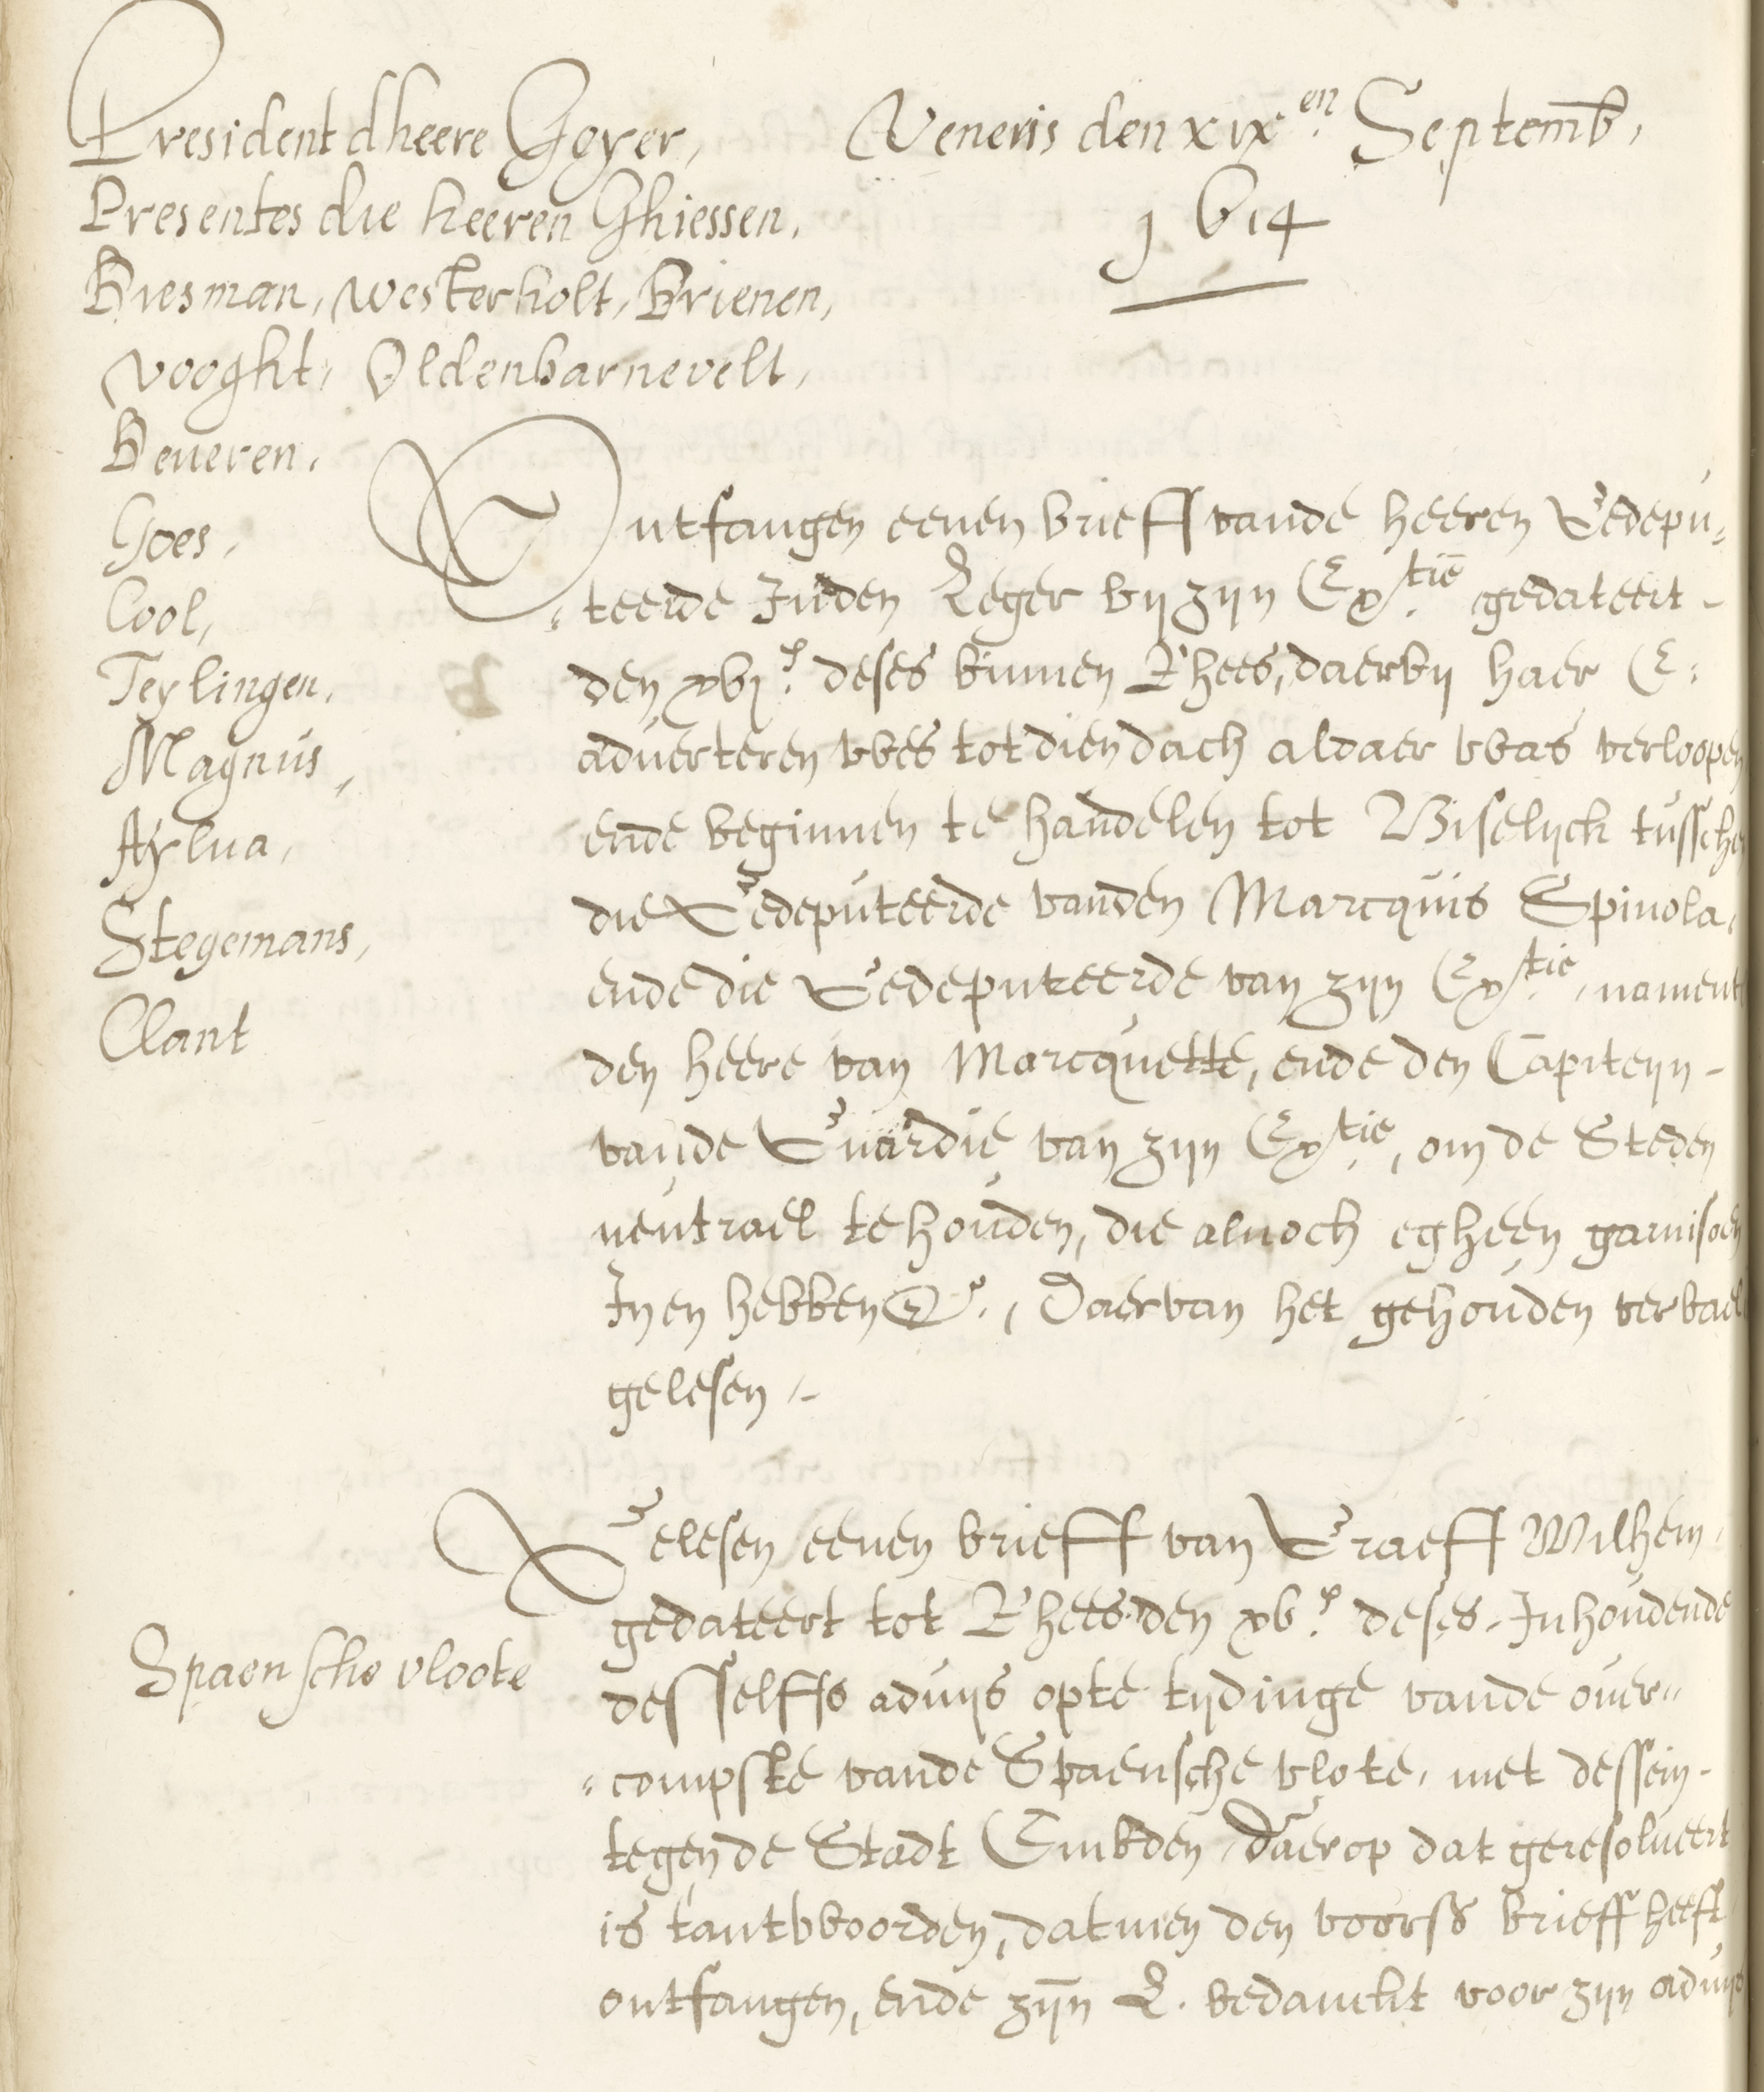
Veneris den xixen Septemb,
1614
President dheere Goyer,
presentes die heeren Ghiessen,
Biesman, Westerholt, Brienen,
Vooght, Oldenbarnevelt,
Beueren,
Goes,
Cool,
Teylingen,
Magnus,
Aylua,
Stegemans,
Clant
Ontfangen eenen brieff vande heeren Gedepu„
,,teerde Inden Leger by zyn Extie gedateert -
den xvie deses binnen Rhees, daerbij haer E.
aduerteren wes tot dien dach aldaer was verloopen
ende beginnen te handelen tot Biselyck tusschen
die Gedeputeerde vanden Marcquis Spinola,
ende die Gedeputeerde van zijn Extie namens
den heere van Marcquette ende den Capiteyn -
vande Guardie van zyn Extie om de Steden
neutraal te houden, die alnoch egheen garnisoen
In en hebben E. Daervan het gehouden verbael
gelesen.
Spaensche vloote
Gelesen eenen brieff van Graeff Wilhem
gedateert tot Rhees xve deses, Inhoudende
desselfs aduys opte tydinge vande ouer„
compste vande Spaensche vlote, met dessein
tegen de Stadt Embden, daerop dat geresolueert
is t'antwoorden, datmen den voors brieff heeft
ontfangen, ende zyn L. bedanckt voor zijn aduys
